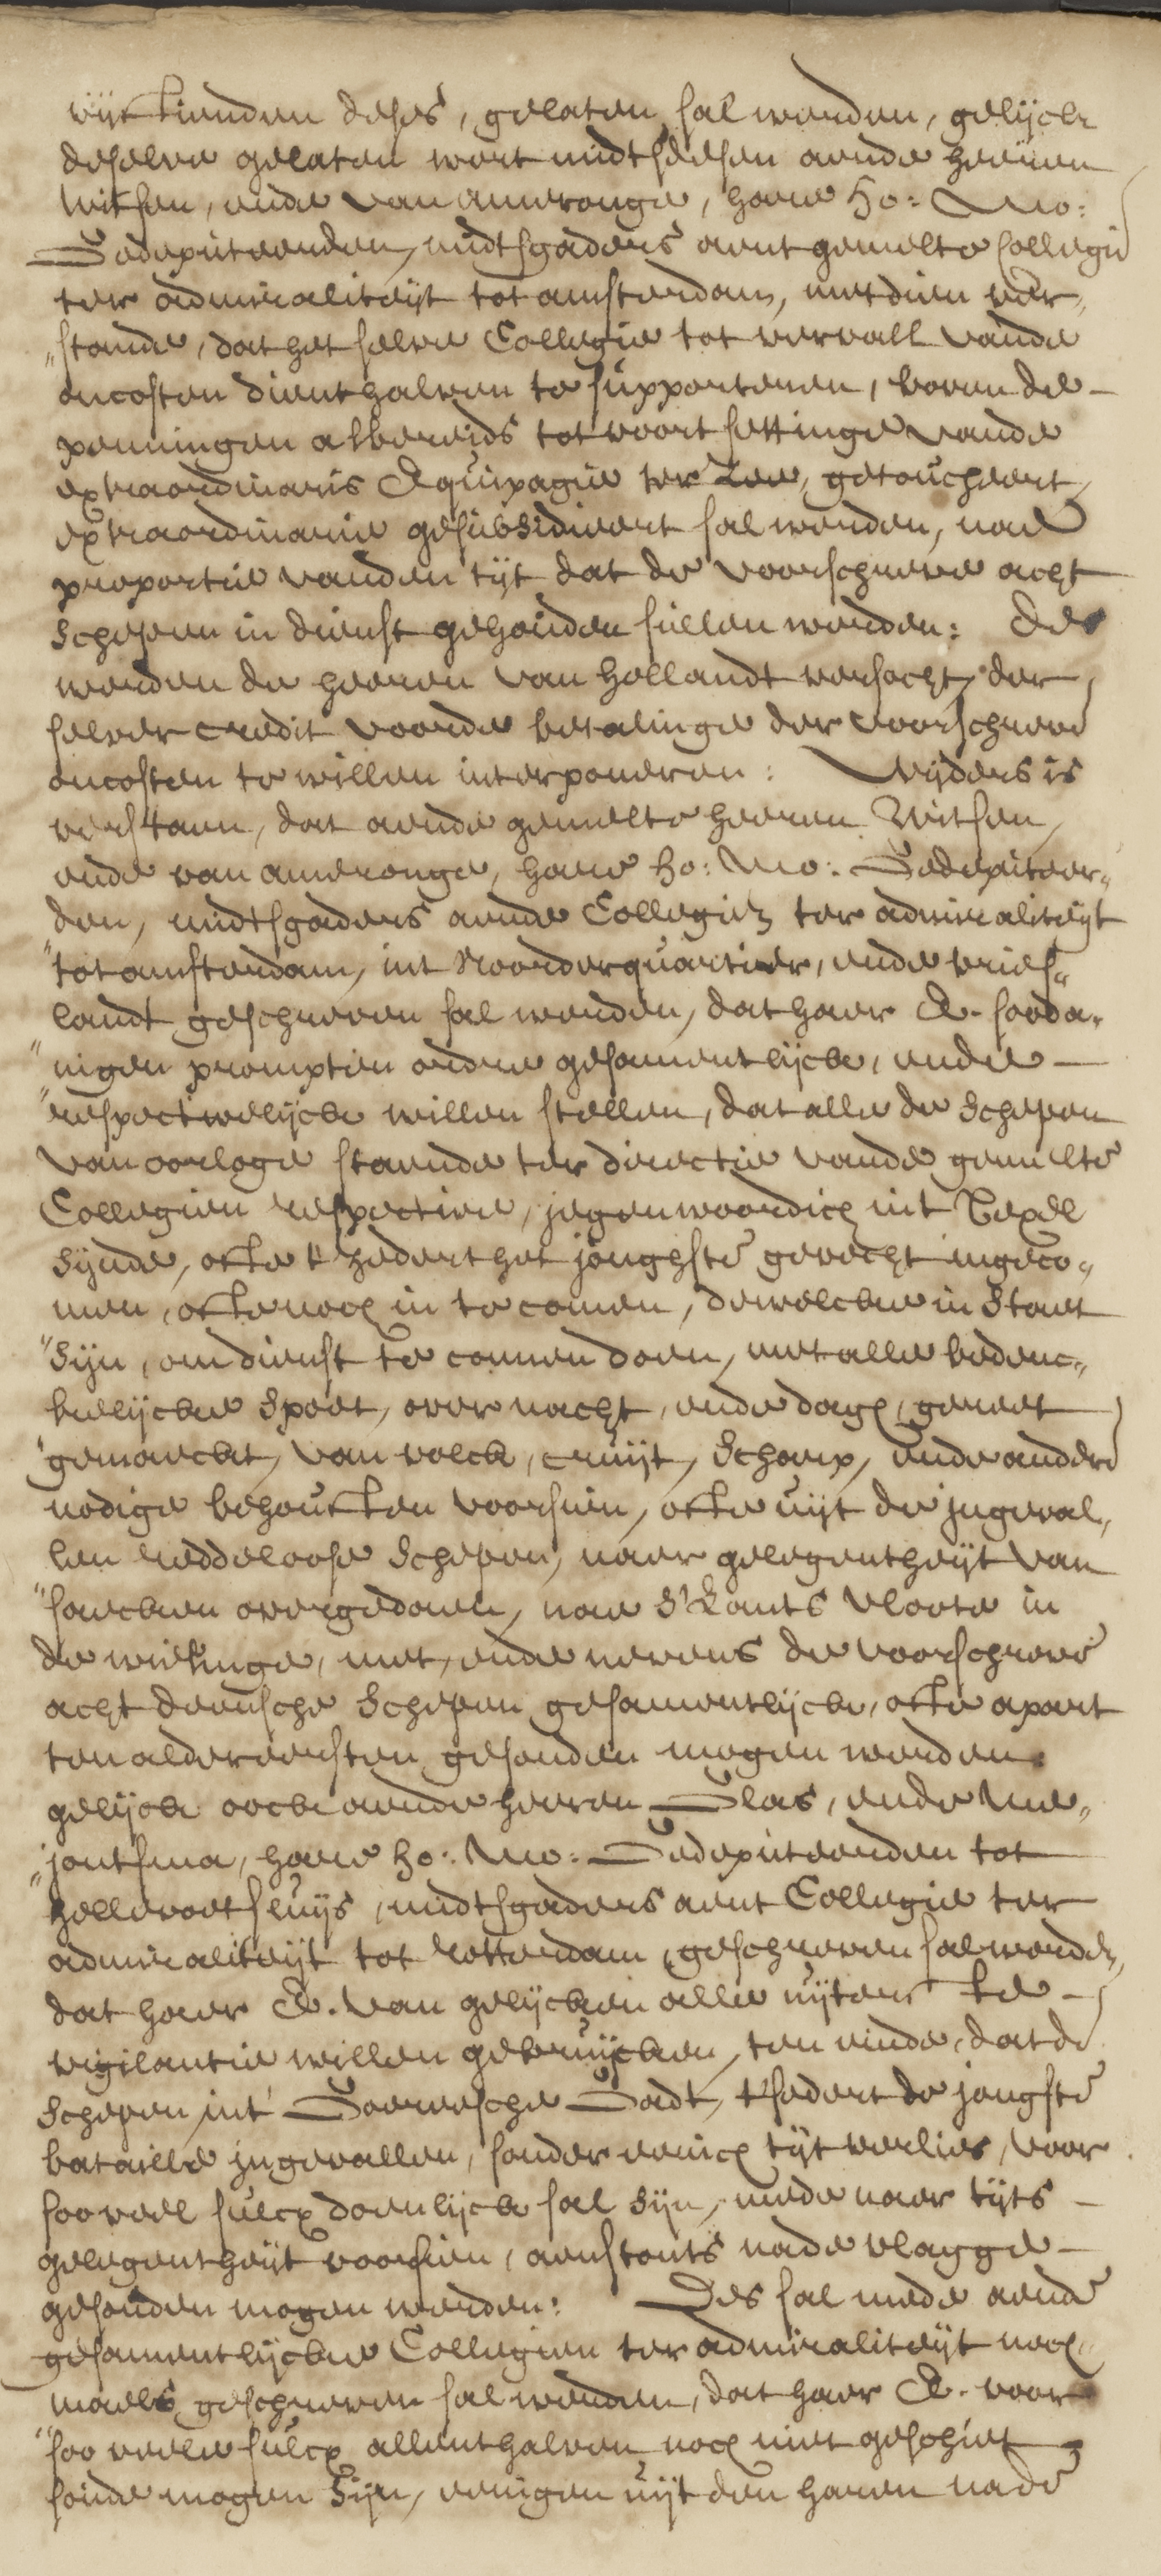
vijftienden deses, gelaten sal werden, gelijck
deselve gelaten wert midtsdesen aende heeren
Witsen, ende van Ameronge, hare Ho:Mo:
Gedeputeerden, midtsgaders aent gemelte Collegie
ter admiraliteijt tot amsterdam, met dien ver,,
,,stande, dat het selve Collegie tot vervall vande
oncosten dienthalven te supporteren, boven de
penningen albereids tot voortsettinge vande
extraordinaris Equipagie ter Zee, getoucheert,
extraordinarie gesubsidieert sal werden, nae
proportie vanden tijt dat de voorschreve acht
schepen in dienst gehouden sullen werden: Des
werden de heeren van hollandt versocht, der
selver credit voorde betalinge der voorschreve
oncosten te willen interponeren: Wijders is
verstaen, dat aende gemelte heeren Witsen
ende van ameronge, hare ho:Mo: Gedeputeer„
den, midtsgaders aende Collegien ter admiraliteijt
tot amsterdam, int Noorderquartier, ende vries„
landt geschreven sal werden, dat haer E. sooda„
igen prompten ordre gesamentlijck, ende
respectivelijck willen stellen, dat alle de schepen
van oorloge staende ter directie vande gemelte
Collegien respective, jegenwoordich int Texel
sijnde, ofte t' zedert het jonghste gevecht ingeco„
men, ofte noch in te comen, dewelcke in Staet
sijn, om dienst te connen doen, met alle bedenc,,
kelijcke spoet, over nacht, ende dagh, gereet
gemaeckt, van volck, cruijt, Scharp, ende andere
nodige behouften voorsien, ofte uijt de ingeval„
len reddeloose schepen, naer gelegentheijt van
saecken overgedaen, nae s'Lants vloote in
de wielinge, met, ende nevens de voorschreve
acht deensche schepen gesamentlijck, ofte apart
ten aldereersten gesonden mogen werden
gelijck oock aende heeren Glas, ende Me,,
,,jontsma, hare ho:Mo: Gedeputeerden tot
hellevoetsluijs, midtsgaders aent Collegie ter
admiraliteijt tot rotterdam, geschreven sal werden,
dat haer E. van gelijcken alle uijterste
vigilantie willen gebruijcken, ten einde, dat de
schepen int' Goereesche Gadt, t'sedert de jongste
bataille Ingevallen, sonder eenich tijt verlies, voor
soo veel sulcx doenlijck sal sijn, mede naer tijts
gelegentheijt voorsien, aenstonts nade vlagge
gesonden mogen werden: Des sal mede aende
gesamentlijcke Collegien ter admiraliteijt noch,,
,,maels geschreven sal werden, dat haer E. voor
soo veele sulcx allenthalven noch niet geschiet
soude mmogen sijn, eenigen uijt den haren nade
